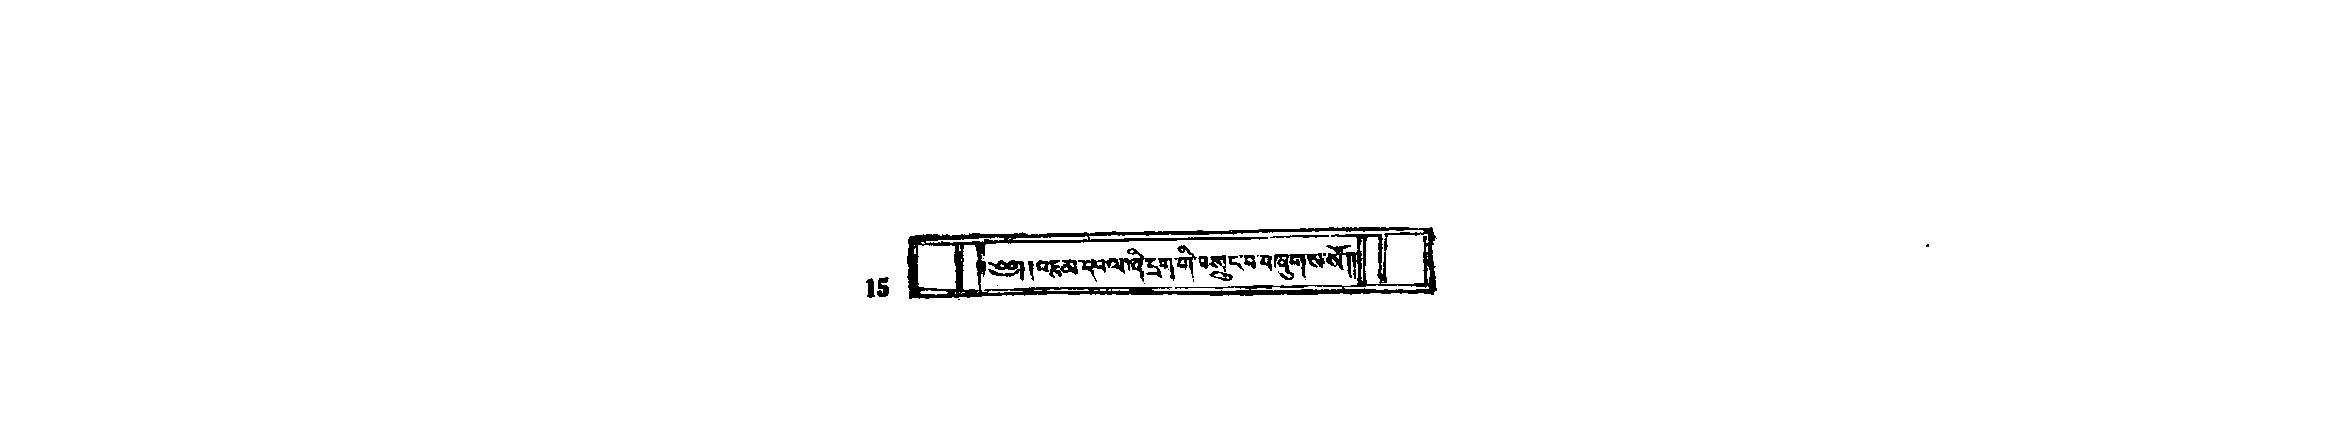༄༅། །འཇམ་དཔལ་ཞི་དྲག་གི་བསྲུང་བ་བཞུགས་སོ། །